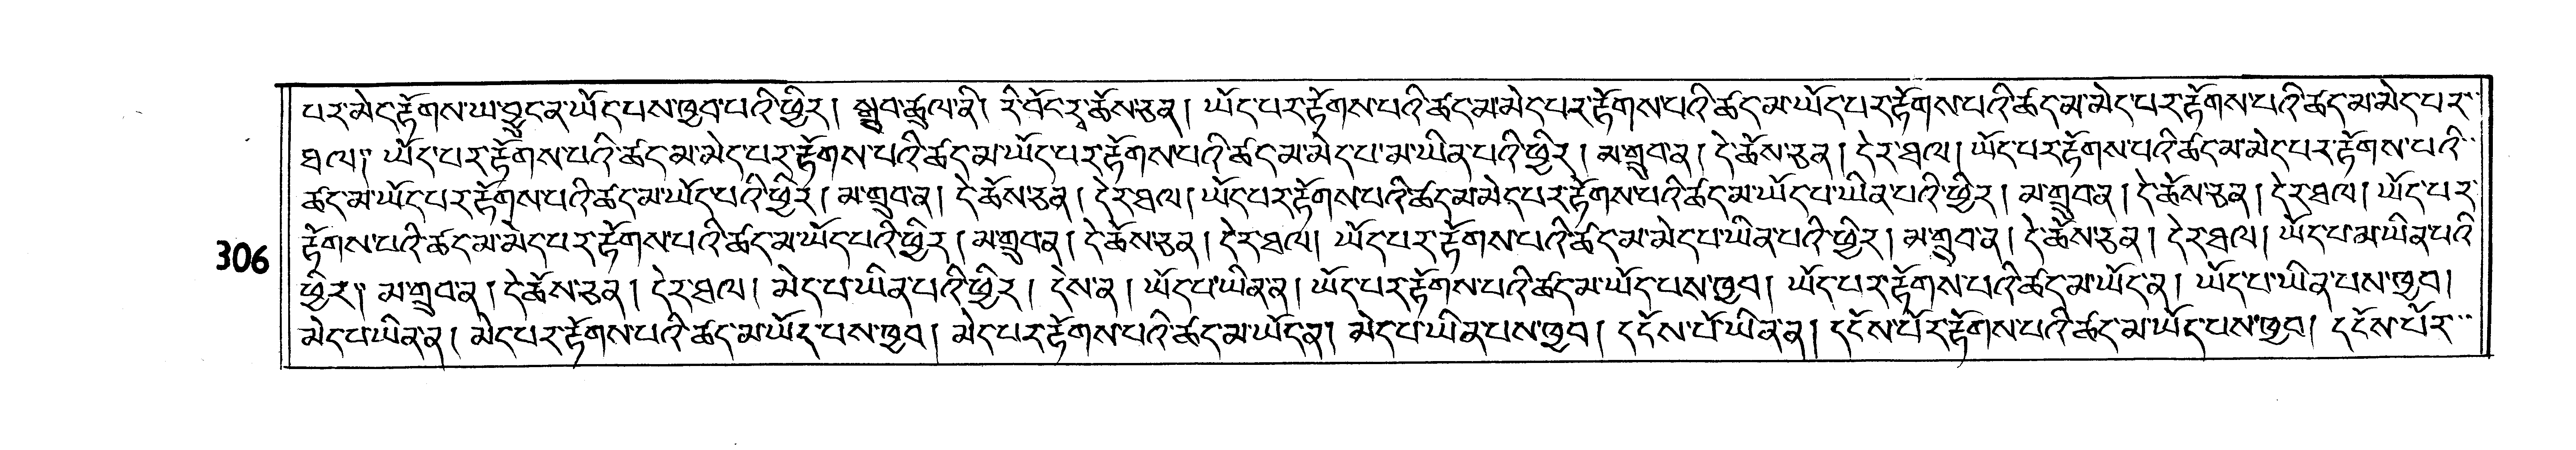པར་མེད་རྟོགས་ཡ་བྱུང་ན་ཡོད་པས་ཁྱབ་པའི་ཕྱིར། སྒྲུབ་ཚུལ་ནི། རི་བོང་རྭ་ཆོས་ཅན། ཡོད་པར་རྟོགས་པའི་ཚད་མ་མེད་པར་རྟོགས་པའི་ཚད་མ་ཡོད་པར་རྟོགས་པའི་ཚད་མ་མེད་པར་རྟོགས་པའི་ཚད་མ་མེད་པར་
ཐལ༑ ཡོད་པར་རྟོགས་པའི་ཚད་མ་མེད་པར་རྟོགས་པའི་ཚད་མ་ཡོད་པར་རྟོགས་པའི་ཚད་མ་མེད་པ་མ་ཡིན་པའི་ཕྱིར། མ་གྲུབ་ན། དེ་ཆོས་ཅན། དེར་ཐལ། ཡོད་པར་རྟོགས་པའི་ཚད་མ་མེད་པར་རྟོགས་པའི་
ཚད་མ་ཡོད་པར་རྟོགས་པའི་ཚད་མ་ཡོད་པའི་ཕྱིར། མ་གྲུབ་ན། དེ་ཆོས་ཅན། དེར་ཐལ། ཡོད་པར་རྟོགས་པའི་ཚད་མ་མེད་པར་རྟོགས་པའི་ཚད་མ་ཡོད་པ་ཡིན་པའི་ཕྱིར། མ་གྲུབ་ན། དེ་ཆོས་ཅན། དེར་ཐལ། ཡོད་པར་
རྟོགས་པའི་ཚད་མ་མེད་པར་རྟོགས་པའི་ཚད་མ་ཡོད་པའི་ཕྱིར། མ་གྲུབ་ན། དེ་ཆོས་ཅན། དེར་ཐལ། ཡོད་པར་རྟོགས་པའི་ཚད་མ་མེད་པ་ཡིན་པའི་ཕྱིར། མ་གྲུབ་ན། དེ་ཆོས་ཅན། དེར་ཐལ། ཡོད་པ་མ་ཡིན་པའི་
ཕྱིར༑ མ་གྲུབ་ན། དེ་ཆོས་ཅན། དེར་ཐལ། མེད་པ་ཡིན་པའི་ཕྱིར། དེས་ན། ཡོད་པ་ཡིན་ན། ཡོད་པར་རྟོགས་པའི་ཚད་མ་ཡོད་པས་ཁྱབ། ཡོད་པར་རྟོགས་པའི་ཚད་མ་ཡོད་ན། ཡོད་པ་ཡིན་པས་ཁྱབ།
མེད་པ་ཡིན་ན། མེད་པར་རྟོགས་པའི་ཚད་མ་ཡོད་པས་ཁྱབ། མེད་པར་རྟོགས་པའི་ཚད་མ་ཡོད་ན། མེད་པ་ཡིན་པས་ཁྱབ། དངོས་པོ་ཡིན་ན། དངོས་པོར་རྟོགས་པའི་ཚད་མ་ཡོད་པས་ཁྱབ། དངོས་པོར་